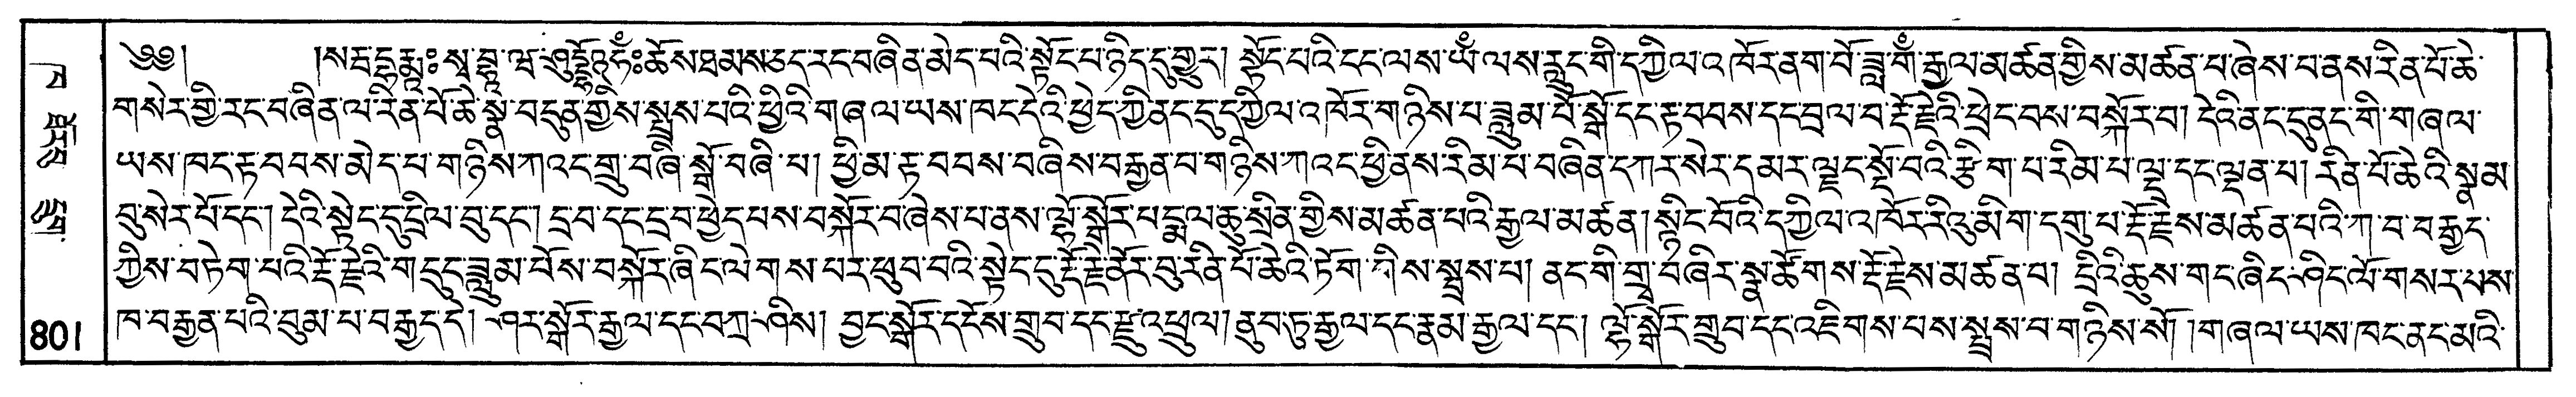༄༅། །སརྦ་དྷ་རྨཱཿ སྭ་བྷཱ་ཝ་ཤུདྡྷོཉཧཾཿ ཆོས་ཐམས་ཅད་རང་བཞིན་མེད་པའི་སྟོང་པ་ཉིད་དུ་གྱུར། སྟོང་པའི་ངང་ལས་ཡཾ་ལས་རླུང་གི་དཀྱིལ་འཁོར་ནག་པོ་ཟླ་གཾ་རྒྱལ་མཚན་གྱིས་མཚན་པ་ཞེས་པ་ནས་རིན་པོ་ཆེ་
གསེར་གྱི་རང་བཞིན་ལ་རིན་པོ་ཆེ་སྣ་བདུན་གྱིས་སྤྲས་པའི་ཕྱིའི་གཞལ་ཡས་ཁང་དེའི་ཕྱེད་ཀྱི་ནང་དུ་དཀྱིལ་འཁོར་གཉིས་པ་ཟླུམ་པོ་སྒོ་དང་རྟ་བབས་དང་བྲལ་བ་རྡོ་རྗེའི་ཕྲེང་བས་བསྐོར་བ། དེའི་ནང་དུ་ནང་གི་གཞལ་
ཡས་ཁང་རྟ་བབས་མེད་པ་གཉིས་ཀའང་གྲུ་བཞི་སྒོ་བཞི་པ། ཕྱི་མ་རྟ་བབས་བཞིས་བརྒྱན་པ་གཉིས་ཀའང་ཕྱི་ནས་རིམ་པ་བཞིན་དཀར་སེར་དམར་ལྗང་སྔོ་བའི་རྩིག་པ་རིམ་པ་ལྔ་དང་ལྡན་པ། རིན་པོ་ཆེའི་སྣམ་
བུ་སེར་པོ་དང་། དེའི་སྟེང་དུ་དྲིལ་བུ་དང་། དྲ་བ་དང་དྲ་བ་ཕྱེད་པས་བསྐོར་བ་ཞེས་པ་ནས་ལྷོ་སྒོར་པདམ་ལ་ཆུ་སྲིན་གྱིས་མཚན་པའི་རྒྱལ་མཚན། སྙིང་པོའི་དཀྱིལ་འཁོར་རིའུ་མིག་དགུ་པ་རྡོ་རྗེས་མཚན་པའི་ཀ་བ་བརྒྱད་
ཀྱིས་བཏེག་པའི་རྡོ་རྗེའི་གདུང་ཟླུམ་པོས་བསྐོར་ཞིང་ལེགས་པར་ཕུབ་བའི་སྟེང་དུ་རྡོ་རྗེ་ནོར་བུ་རིན་པོ་ཆེའི་ཏོག་གིས་སྤྲས་པ། ནང་གི་གྲྭ་བཞིར་སྣ་ཚོགས་རྡོ་རྗེས་མཚན་པ། དྲིའི་ཆུས་གང་ཞིང་ཤིང་ལོ་གསར་པས་
ཁ་བརྒྱན་པའི་བུམ་པ་བརྒྱད་དེ། ཤར་སྒོར་རྒྱལ་དང་བཀྲ་ཤིས། བྱང་སྒོར་དངོས་གྲུབ་དང་རྫུ་འཕྲུལ། ནུབ་ཏུ་རྒྱལ་དང་རྣམ་རྒྱལ་དང་། ལྷོ་སྒོར་གྲུབ་དང་འཇིགས་པས་སྤྲས་པ་གཉིས་སོ། །གཞལ་ཡས་ཁང་ནང་མའི་